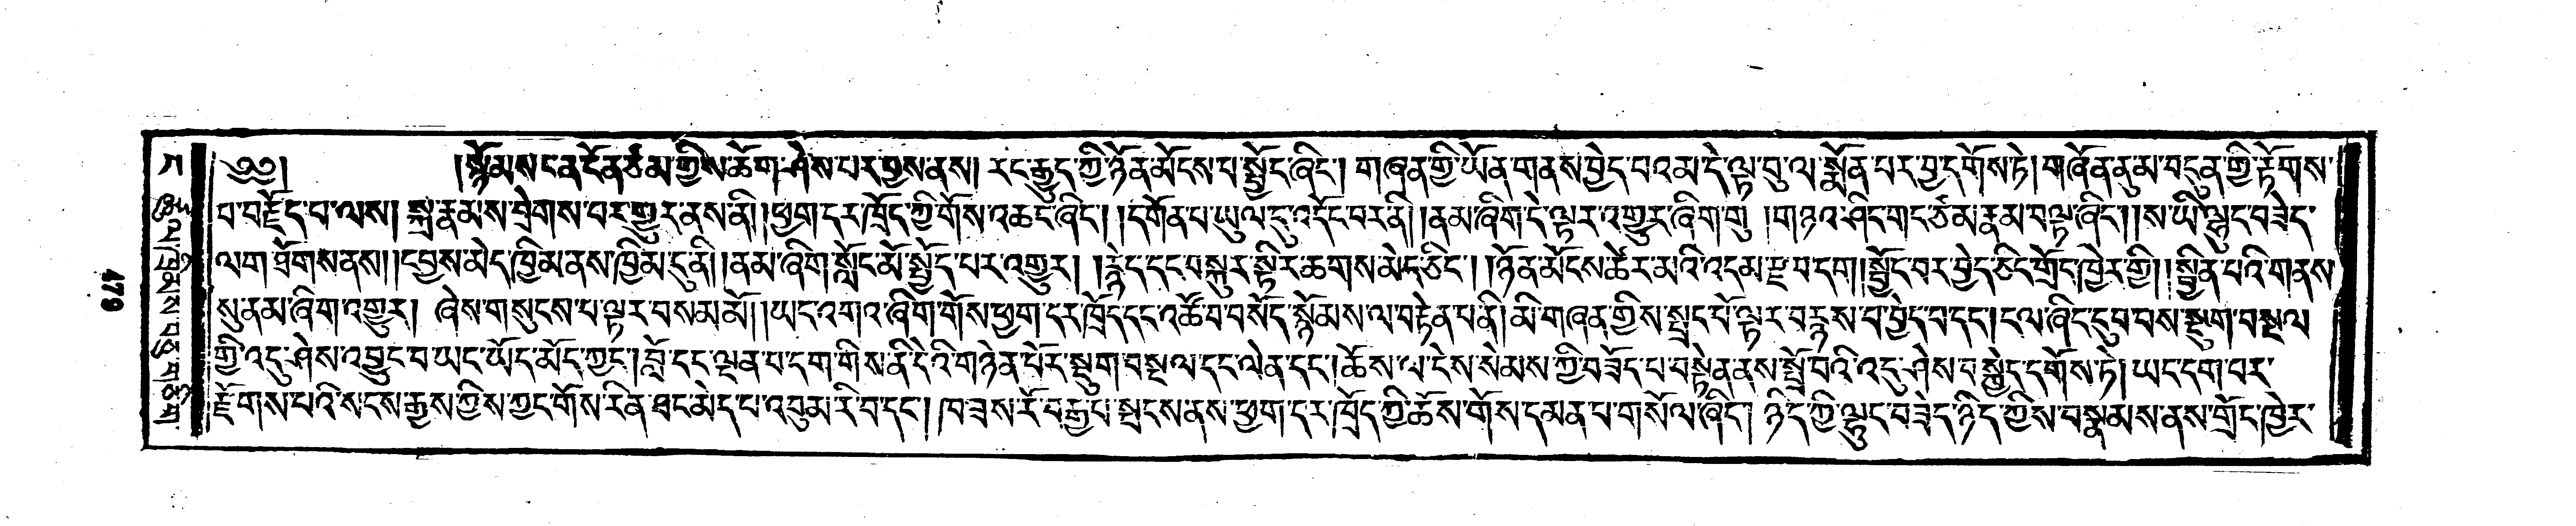༄༅། །སྙོམས་ངན་ངོན་ཙམ་གྱིས་ཆོག་ཤེས་པར་བྱས་ནས། རང་རྒྱུད་ཀྱི་ཉོན་མོངས་པ་སྦྱོང་ཞིང་། གཞན་གྱི་ཡོན་གནས་བྱེད་པའམ་དེ་ལྟ་བུ་ལ་སྨོན་པར་བྱ་དགོས་ཏེ། གཞོན་ནུ་མ་བདུན་གྱི་རྟོགས་
པ་བརྗོད་པ་ལས། སྐྲ་རྣམས་བྲེགས་པར་གྱུར་ནས་ནི། །ཕྱག་དར་ཁྲོད་ཀྱི་གོས་འཆང་ཞིང་། །དགོན་པ་ཡུལ་དུ་འདོད་པར་ནི། །ནམ་ཞིག་དེ་ལྟར་འགྱུར་ཞིག་གུ །གཉའ་ཤིང་གང་ཙམ་རྣམ་བལྟ་ཞིང་། །ས་ཡི་ལྷུང་བཟེད་
ལག་ཐོགས་ནས། །དབྱས་མེད་ཁྱིམ་ནས་ཁྱིམ་དུ་ནི། །ནམ་ཞིག་སློང་མོ་སྤྱོད་པར་འགྱུར། །རྙེད་དང་བསྐུར་སྟིར་ཆགས་མེད་ཅིང་། །ཉོན་མོངས་ཚེར་མའི་འདམ་རྫབ་དང་། །སྦྱོང་བར་བྱེད་ཅིང་གྲོང་ཁྱེར་གྱི། །སྦྱིན་པའི་གནས་
སུ་ནམ་ཞིག་འགྱུར། ཞེས་གསུངས་པ་ལྟར་བསམ་མོ། །ཡང་འགའ་ཞིག་གོས་ཕྱག་དར་ཁྲོད་དང་འཚོ་བ་བསོད་སྙོམས་ལ་བརྟེན་པ་ནི། མི་གཞན་གྱིས་སྤྲང་པོ་ལྟར་བརྙས་པ་བྱེད་པ་དང་། ངལ་ཞིང་དུབ་པས་སྡུག་བསྔལ་
གྱི་འདུ་ཤེས་འབྱུང་བ་ཡང་ཡོད་མོད་ཀྱང་། བློ་དང་ལྡན་པ་དག་གིས་ནི་དེའི་གཉེན་པོར་སྡུག་བསྔལ་དང་ལེན་དང་། ཆོས་ལ་ངེས་སེམས་ཀྱི་བཟོད་པ་བསྟེན་ནས་སྤྲོ་བའི་འདུ་ཤེས་བསྐྱེད་དགོས་ཏེ། ཡང་དག་པར་
རྫོགས་པའི་སངས་རྒྱས་ཀྱིས་ཀྱང་གོས་རིན་ཐང་མེད་པ་འབུམ་རི་བ་དང་། ཁ་ཟས་རོ་བརྒྱ་པ་སྤངས་ནས་ཕྱག་དར་ཁྲོད་ཀྱི་ཆོས་གོས་དམན་པ་གསོལ་ཞིང་། ཉིད་ཀྱི་ལྷུང་བཟེད་ཉིད་ཀྱིས་བསྣམས་ནས་གྲོང་ཁྱེར་